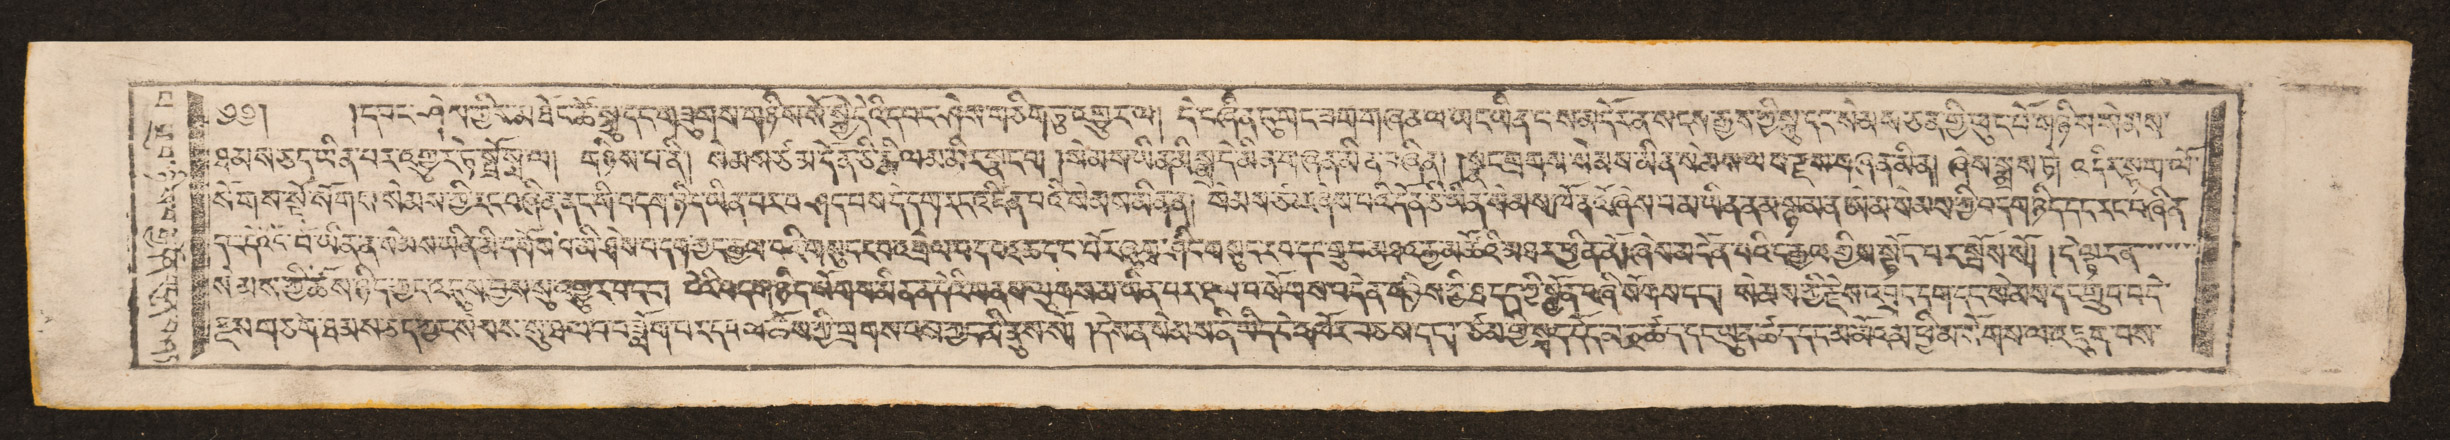༄༅། །དབང་ཤེས་ཀྱིས་མཐོང་ཚེ་སྐུ་དང་གཟུགས་གཉིས་སོ་སྐྱེ་དེའི་དབང་ཤེས་གཅིག་ཏུ་འགྱུར་ལ། དེ་བཞིན་དུ་གང་ཟག་གཞན་ལ་ཡང་ཡིན་པས་མདོར་ན་སངས་རྒྱས་གྱི་སྐུ་དང་སེམས་ཅན་གྱི་ཕུང་པོ་གཉིས་སེམས་
ཐམས་ཅད་ཡིན་པར་འགྱུར་ཏེ་སྤྲོ་སླ་ལ། གཉིས་པ་ནི། སེམས་ཙམ་དོན་ཅི་རྨི་ལམ་མིར་སྣང་བ། །སེམས་ཡིན་མི་སྨྲ་དེ་མིན་གཞན་མིན་བཞིན། །སྣང་གྲགས་སེམས་མིན་སེམས་ལས་རྫས་གཞན་མིན། ཞེས་སྨྲས་ཏེ། འདིར་སྟག་ལོ་
སོགས་སྔོ་སོགས་སེམས་ཀྱི་རང་བཞིན་ནང་གི་བདག་ཉིད་ཡིན་པར་བཤད་པས་དེ་དག་རང་འཛིན་པའི་སེམས་མིན་ན། སེམས་ཙམ་ཞེས་པའི་དོན་ཅི་ཡིན་སེམས་ཁོ་ནའོ་ཞེས་པ་མ་ཡིན་ནམ་སྙ་མན་?་ཨེ་མ་སེམས་ཀྱི་བདག་ཉིད་དང་རང་བཞིན་
དང་དེའི་ངོ་པོ་ཡིན་ན་སེམས་ཡིན་མི་དགོས་པ་མི་ཤེས་པ་དག་ཀྱང་རྒྱལ་བའི་གསུང་རབ་འགྲེལ་པ་དང་འཆད་པ་པོར་ཞུགས་ཤིང་གསུང་རབ་དང་གྲུབ་མཐའ་རྒྱ་མཚོའི་མཐར་ཕྱིན་ནོ། ཞེས་མངོན་པའི་ང་རྒྱལ་གྱིས་སྟོང་པར་སྦོས་སོ། །དེ་ལྟར་ན་
སེམས་ཀྱི་ཆོས་ཉིད་ཀྱང་འདུས་བྱས་སུ་འགྱུར་བ་དང་། དེའི་བདག་ཉིད་སོགས་མིན་ན་དེའི་གནས་ལུགས་མ་ཡིན་པར་ཐལ་བ་སོགས་བདེན་གཉིས་ཀྱི་ཐ་དད་ཀྱི་སྐྱོན་བཞི་སོགས་དང་། སེམས་ཀྱི་རྗེས་འབྲང་དག་དང་སེམས་དང་གྲུབ་བདེ་
རྫས་གཅིག་ཐམས་ཅད་ཀྱང་སེམས་སུ་ཐལ་བ་བཟློག་བར་དཔལ་ཆོས་ཀྱི་གྲགས་པས་ཀྱང་མི་ནུས་སོ། །དེས་ན་སེམས་ནི་ཡིད་ངེ་འཁོར་བཅས་དང་། ཙམ་གྱི་སྐད་དོད་མ་ཏྲ་ཚད་དང་ཡུན་ཚད་དང་མ་མོའམ་ཕྱི་མ་སོགས་ལ་འཇུག་པས་